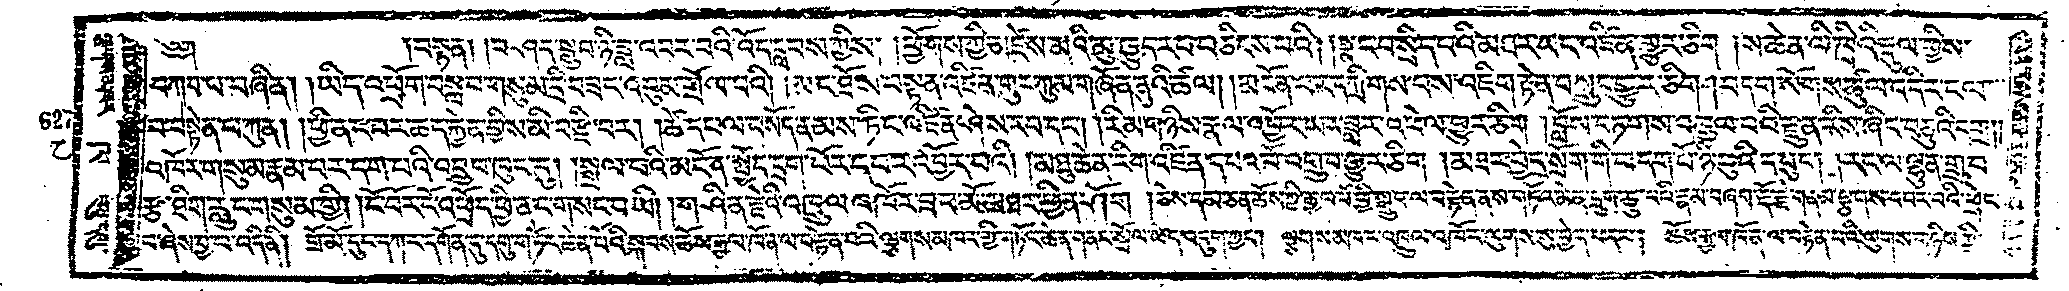༄༅། །བསྟན། །བཤད་སྒྲུབ་ཉི་ཟླ་འབར་བའི་འོད་རླབས་ཀྱིས། །ཕྱོགས་ཀྱི་མཛེས་མའི་མུ་ཁྱུད་རབ་བཅིངས་པའི། །སྣང་བ་སྲིད་པའི་མཐར་ཡང་འཛིན་གྱུར་ཅིག །ས་ཆེན་ལི་ཁྲིའི་རྡུལ་གྱིས་
བཀབ་པ་བཞིན། །ཡིད་འཕྲོག་བསླབ་གསུམ་དྲི་བཟང་འབུམ་གྲོལ་བའི། །མང་ཐོས་བསྟན་འཛིན་གུར་ཀུམ་གཞོན་ནུའི་ཚལ། །མངོན་པར་དཀྲིགས་པས་འཇིག་རྟེན་བསྲུང་གྱུར་ཅིག །བདག་སོགས་ཚུལ་འདིར་ངལ་་་
བ་བསྟེན་པ་ཀུན། །ཕྱི་ནང་བར་ཆད་རྐྱེན་གྱིས་མི་བརྫི་བར། །ཚེ་དཔལ་བསོད་ནམས་ཏིང་འཛིན་ཤེས་རབ་དང་། །རིམ་གཉིས་རྣལ་འབྱོར་ཡར་ཟླར་འཕེལ་གྱུར་ཅིག །བློས་བཏགས་འཁྲུལ་བའི་རྫུན་རིས་ཞིང་བཅུའི་དགྲ།།
འཁོར་གསུམ་རྣམ་པར་དག་པའི་འབྲུབ་ཁུང་དུ། །སྒྲལ་བའི་མངོན་སྤྱོད་དྲག་པོར་དབར་འབྱོར་བའི། །མཐུ་ཆེན་རིག་འཛིན་དཔལ་བོ་འགྲུབ་གྱུར་ཅིག །མཐར་བྱེད་སྲོག་གི་བདག་པོ་ཉི་བུའི་དཔུང་། །རང་ལ་ལྷུན་གྲུབ་
རྩ་ཐིག་རླུང་གསུམ་གྱི། །ངོ་བོར་ངོ་འཕྲོད་ཕྱི་ནང་གསང་བ་ཡི། །གཤིན་རྗེའི་འཁྲུལ་འཁོར་ཐབ་མོ་མཐར་ཕྱིན་ཤོག །ཅེས་དམ་ཅན་ཆོས་ཀྱི་རྒྱལ་པོ་ཕྱི་སྒྲུབ་ལ་བརྟེན་ནས་གཏོར་ཆེན་དྲུག་ཅུ་པའི་རྣམ་བཞག་རྡོ་རྗེ་གནས་ལྕགས་འབེར་བའི་ཕྲེང་
བ་ཞེས་བྱ་བ་འདི་ནི། གྲོ་མོ་དུང་དཀར་དགོན་དུ་དགུ་གཏོར་ཆེན་པོའི་སྐབས་ཆོས་རྒྱལ་ཁོ་ན་ལ་བརྟེན་པའི་ལྕགས་མཁར་གྱི་གཏོང་ཆེན་གནང་སྲོལ་ཡིད་འདུག་ཀྱང་། ལྕགས་མཁར་འཁྲུལ་ལུགས་སུ་བྱེད་པ་དང་། ཆོས་རྒྱལ་ཁོ་ན་ལ་བརྟེན་པའི་ལུགས་གཉིས་ཀྱི་